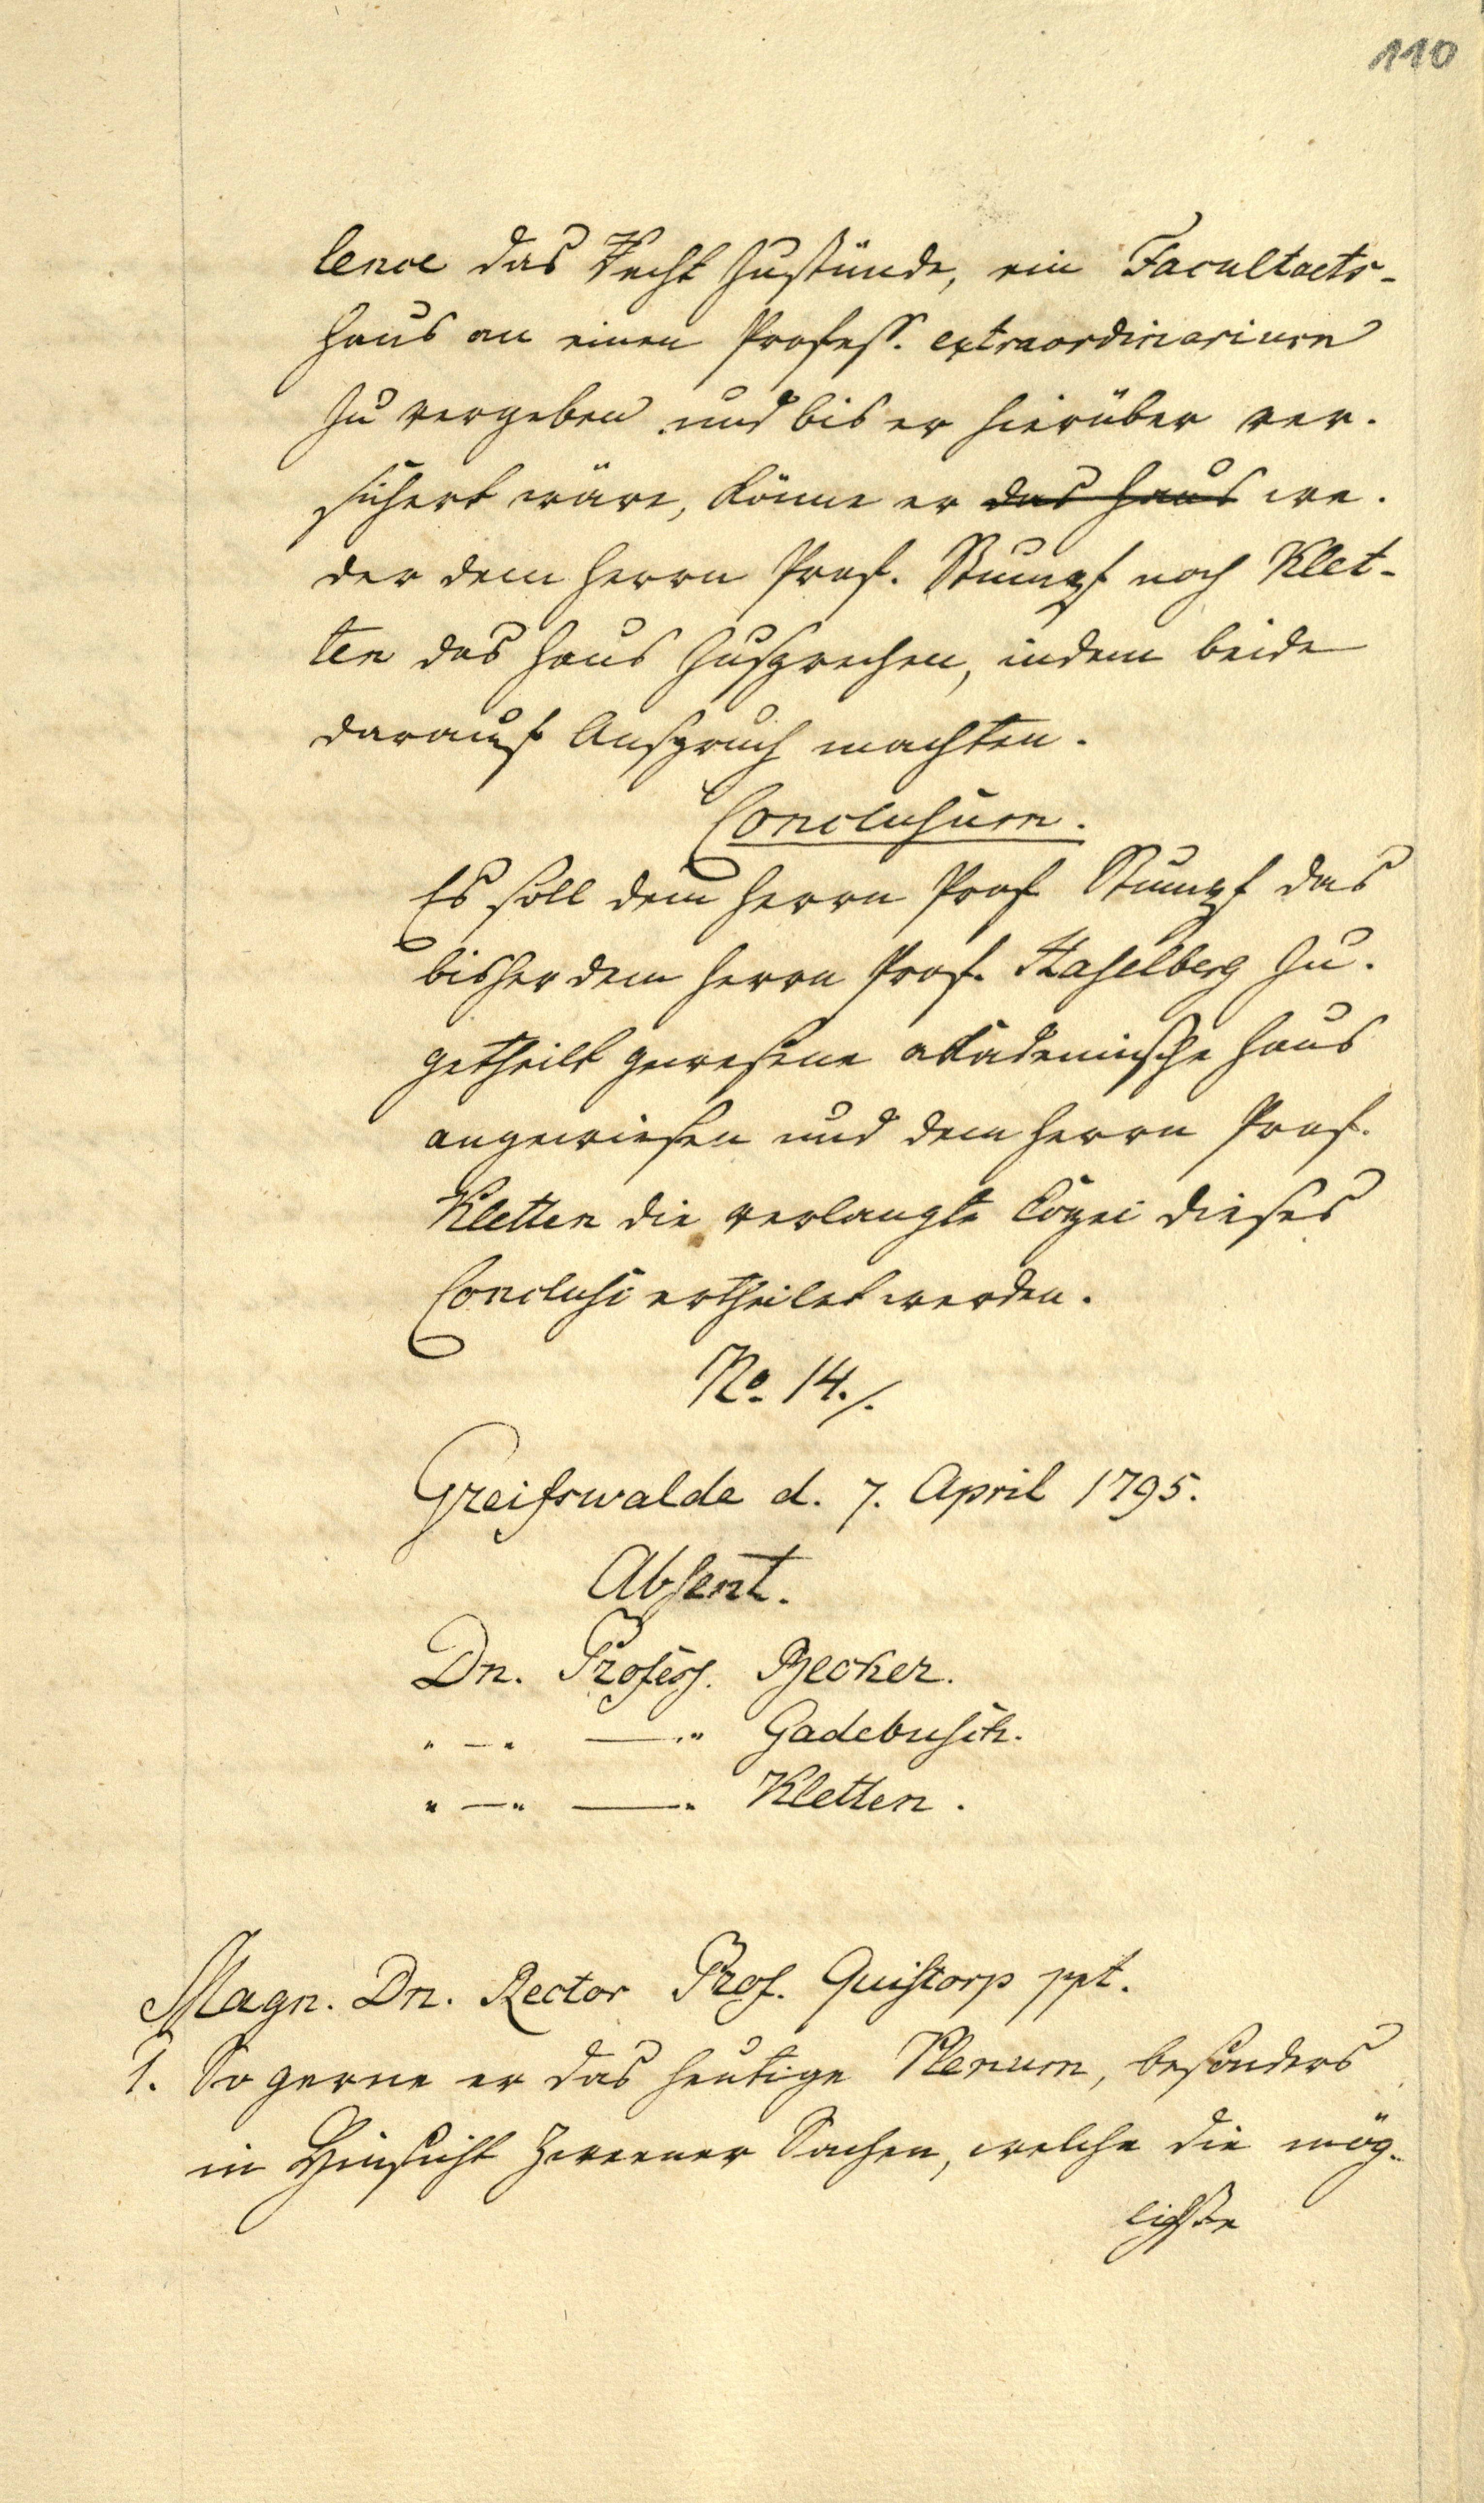lence das Recht zustünde, ein Facultaets¬
Haus an einen Profess. extraordinarium
zu vergeben und bis er hierüber ver¬
sichert wäre, könne er das haus we¬
der dem Herrn Prof. Stumpf noch Klet¬
ten das Haus zusprechen, indem beide
darauf Anspruch machten.
Conclusum.
Es soll dem Herrn Prof. Stumpf das
bisher dem Herrn Prof. Haselberg zu¬
getheilt gewesene akademische Haus
angewiesen und dem Herrn Prof.
Kletten die verlangte Copei dieses
Conclusi ertheilet werden.
No. 14./.
Greifswalde d. 7. April 1795
Absent.
Dn. Profess. Becker.
Gadebusch.
Kletten.
Magn. Dn. Rector Prof. Quistorp ppt.
1. So gerne er das heutige Plenum, besonders
in Hinsicht zweener Sachen, welche die mög¬
lichste